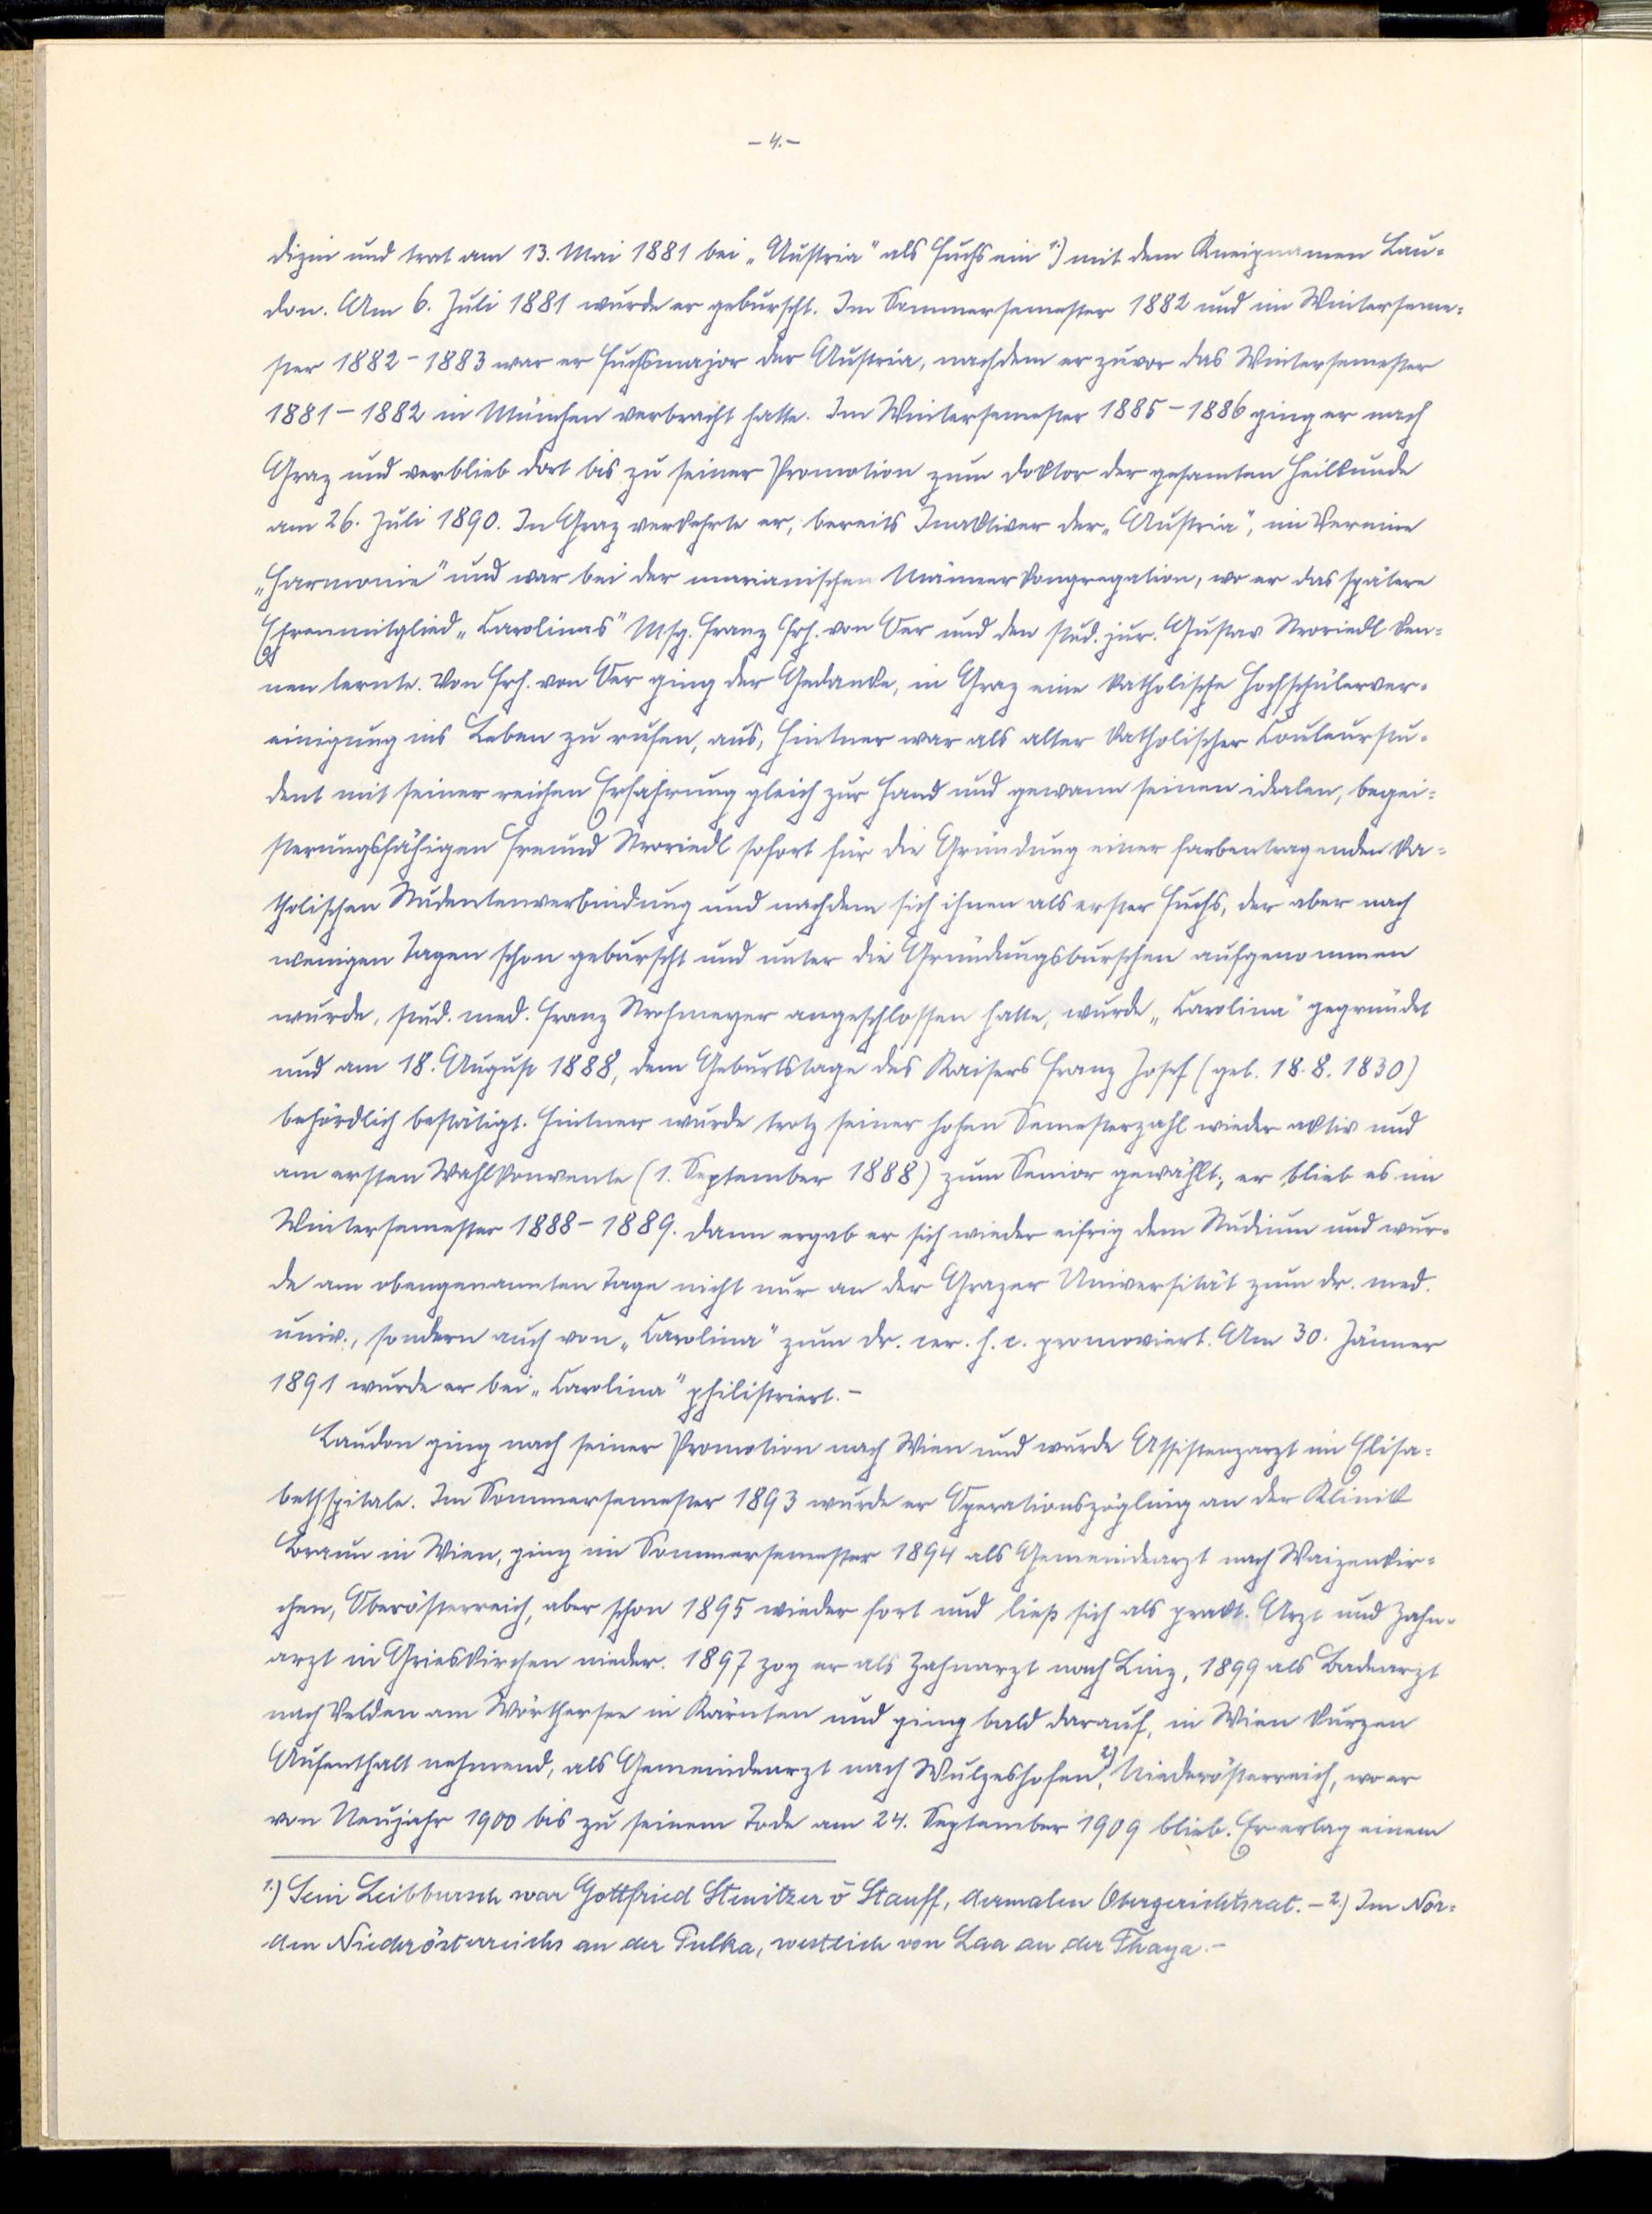4.
dizin und trat am 13. Mai 1881 bei "Austria" als Fuchs ein 1.) mit dem Kneipnamen Lau-
don. Am 6. Juli 1881 wurde er geburscht. Im Sommersemester 1882 und im Winterseme-
ster 1882-1883 war er Fuchsmajor der Austria, nachdem er zuvor das Wintersemester
1881-1882 in München verbracht hatte. Im Wintersemester 1885-1886 ging er nach
Graz und verblieb dort bis zu seiner Promotion zum Doktor der gesamten Heilkunde
am 26. Juli 1890. In Graz verkehrte er, bereits Inaktiver der "Austria", im Verein
"Harmonia" und war bei der marianischen Männerkongregation, wo er das spätere
Ehrenmitglied "Carolinas" Msg. Franz Frh. von Oer und den stud. jur. Gustav Stroriedl ken-
nen lernte. Von Frh. von Oer ging der Gedanke, in Graz eine katholische Hochschülerver-
einigung ins Leben zu rufen aus, Hintner war als alter katholischer Couleurstu-
dent mit seiner reichen Erfahrung gleich zur Hand und gewann seinen idealen, begei-
sterungsfähigen Freund Stroriedl sofort für die Gründung einer farbentragenden ka-
tholischen Studentenverbindung und nachdem sich ihnen als erster Fuchs, der aber nach
wenigen Tagen schon geburscht und unter die Gründungsburschen aufgenommen
wurde, stud. med. Franz Strohmeyer angeschlossen hatte, wurde "Carolina" gegründet
und am 18. August 1888, dem Geburtstage des Kaisers Franz Josef (geb. 18.8.1830)
behördich bestätigt. Hintner wurde trotz seiner hohen Semesterzahl wieder aktiv und
am ersten Wahlconvente (1. September 1888) zum Senior gewählt, er blieb es im
Wintersemester 1888-1889. Dann ergab er sich eifrig dem Studium und wur-
de am obengenanntem Tage nicht nur an der Grazer Universität zum Dr. med.
univ., sondern auch von "Carolina" zum Dr. cer. h.c. promoviert. Am 30. Jänner
1891 wurde er an der "Carolina" philistriert.
Laudon ging nach seiner Promotion nach Wien und wurde Assistenzarzt im Elisa-
bethspitale. Im Sommersemester 1893 wurde er Operationszögling an der Klinik
Braun in Wien, ging im Sommersemester 1894 als Gemeindearzt nach Waizenkir-
chen, Oberösterreich, aber schon 1895 wieder fort und ließ sich als prakt. Arzt und Zahn-
arzt in Grieskirchen nieder. 1897 zog er als Zahnarzt nach Linz, 1899 als Badearzt
nach Velden am Wörthersee in Kärnten und ging bald darauf, in Wien kurzen
Aufenthalt nehmend , als Gemeindearzt nach Wulzeshofen 2.), Niederösterreich, wo er
von Neujahr 1900 bis zu seinem Tode am 24. September 1909 blieb. Er erlag einem
1.) Sein Leibbursch war Gottfried Stenitzer v/o Stauff, dermalen Obergerichtsrat. - 2.) Im Nor-
den Niederösterreichs an der Pulka, westlich von Laa an der Thaya.